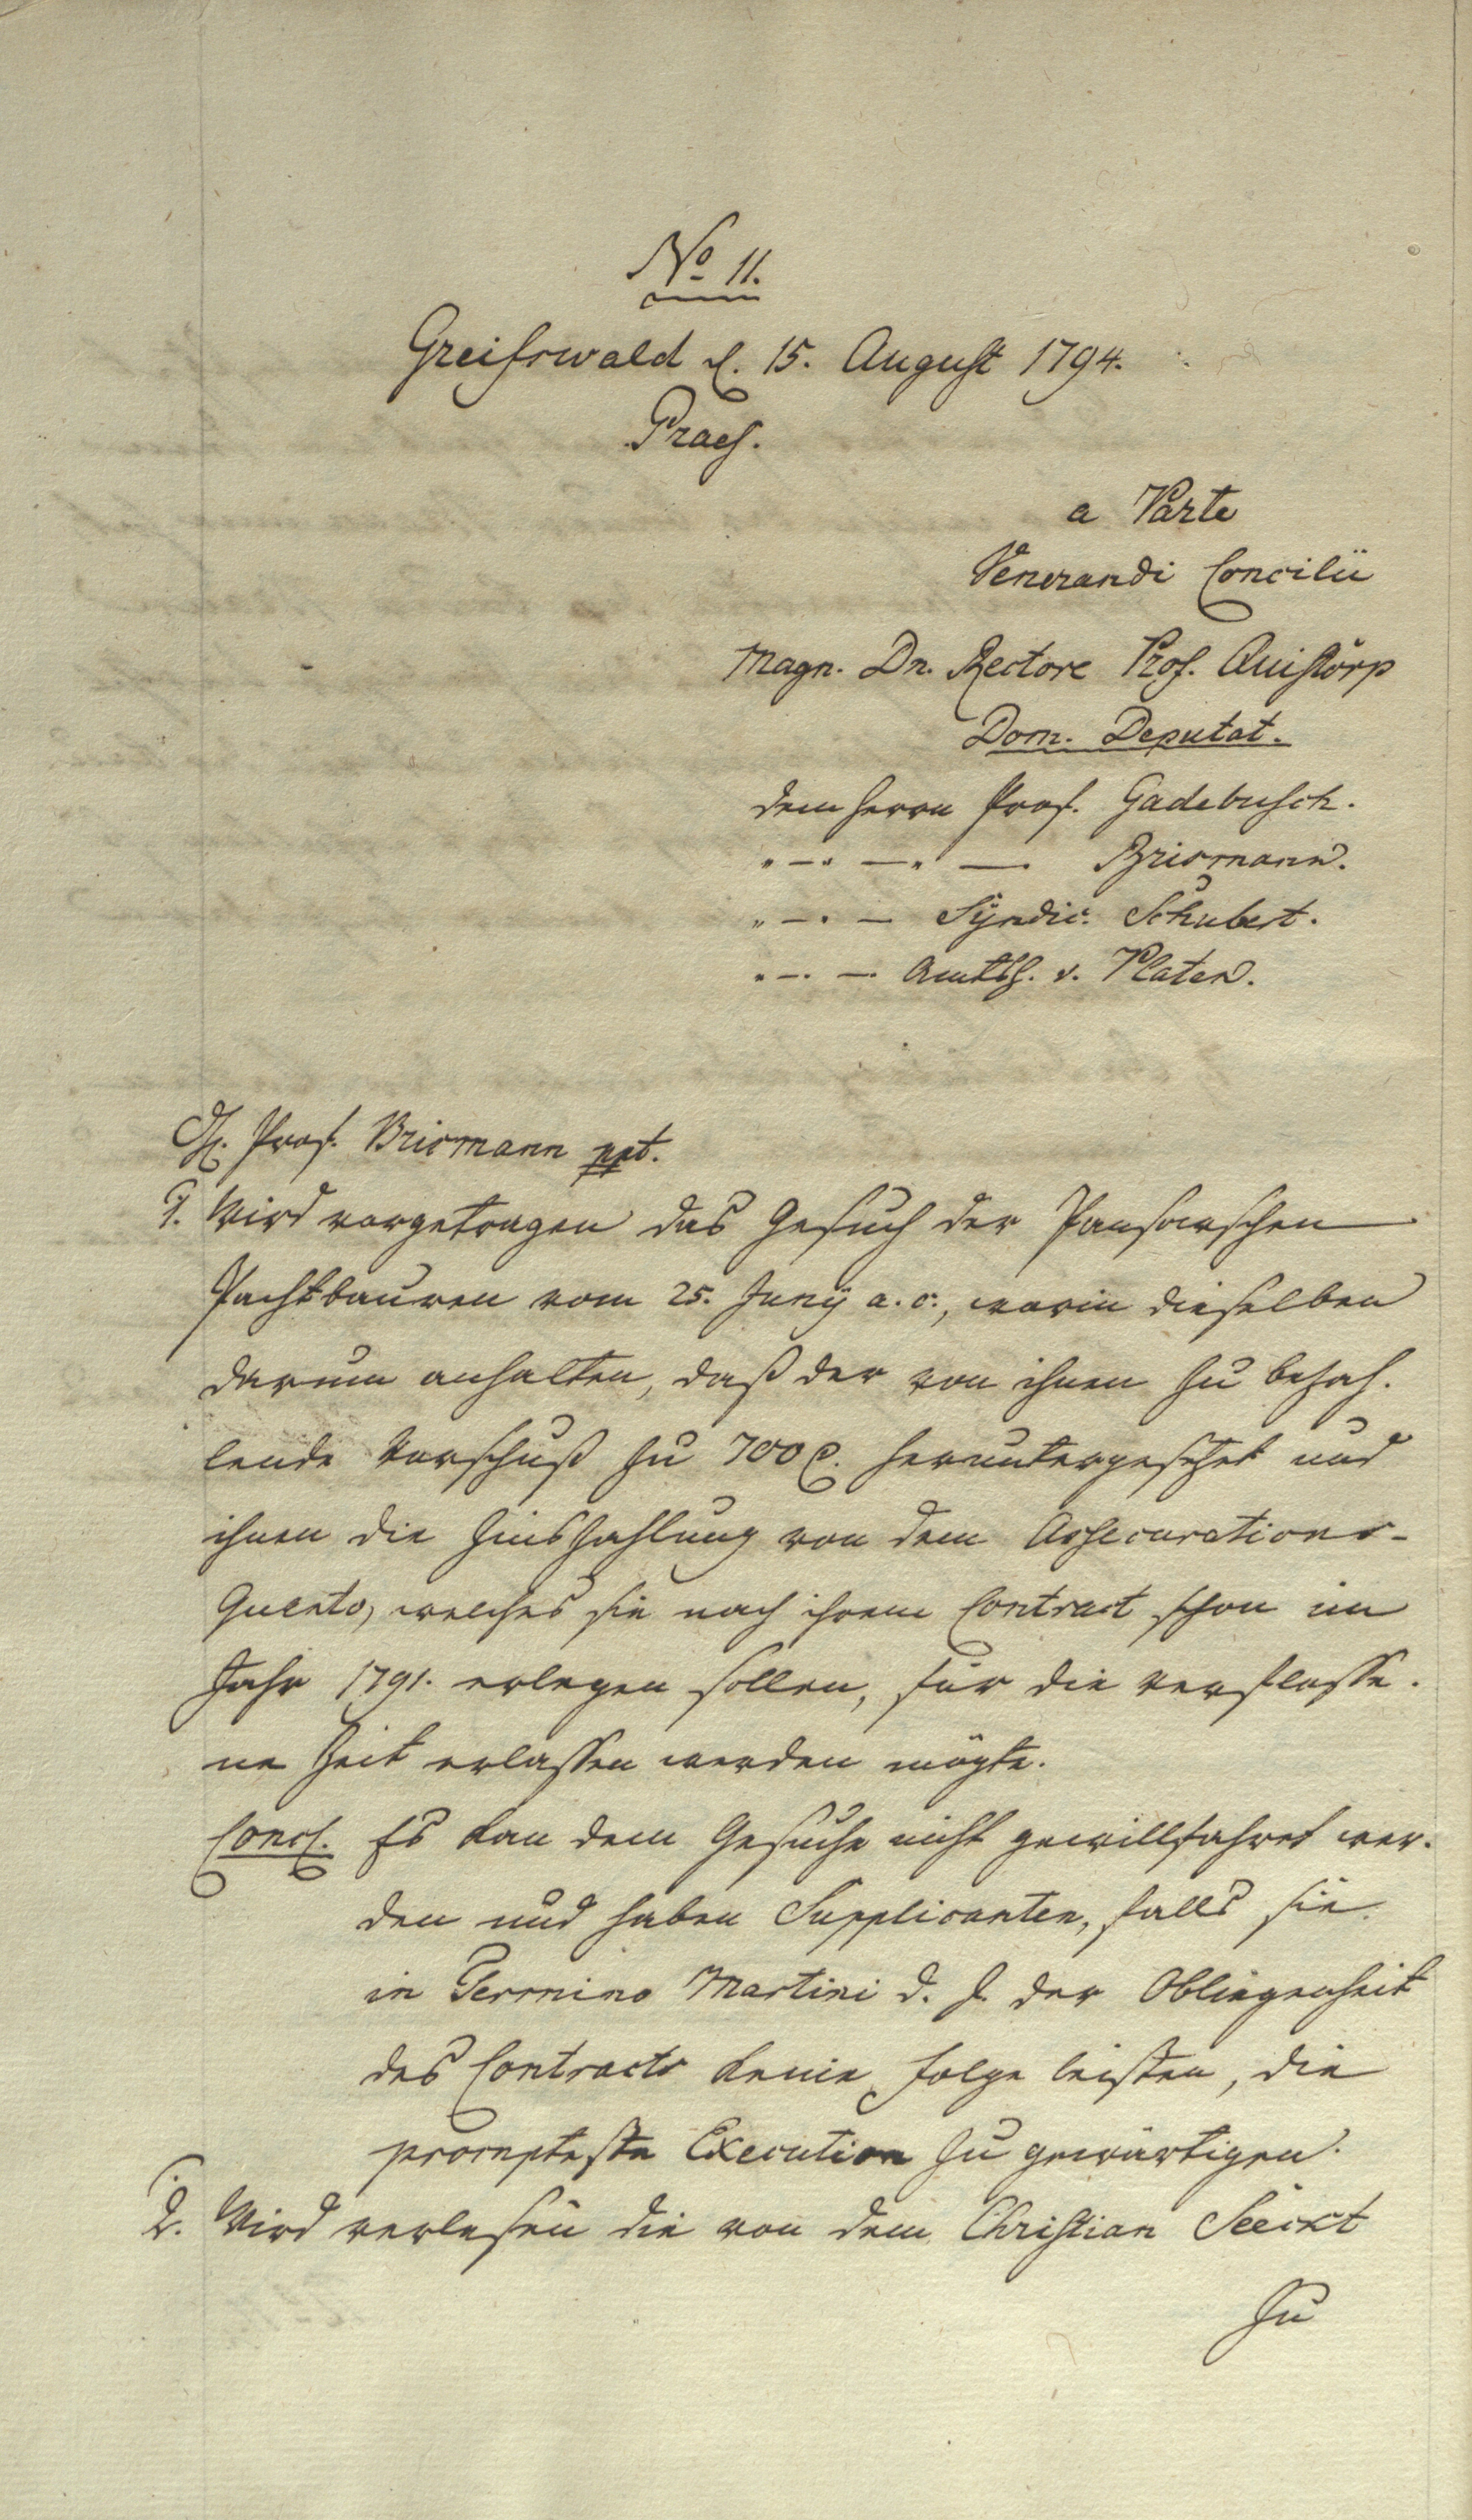No 11.
Greifswald d. 15. August 1794.
Praes.
a Parte
Venerandi Concilii
Magn. Dn. Rectore Prof. Quistorp
Dom. Deputat.
dem Herrn Prof. Gadebusch.
Brismann.
Sÿndic. Schubert.
Amtsh. v. Platen.
dh. Prof. Brismann ppt.
1. Wird vorgetragen das Gesuch der Pansowschen
Pachtbauren vom 25. Junÿ a. c., worin dieselben
darum anhalten, daß der von ihnen zu bezah¬
lendene Vorschuß zu 700 l. heruntergesetzet und
ihnen die Zinszahlung von dem Assecurations¬
Quanto, welches sie nach ihrem Contract schon im
Jahr 1791. erlegen sollen, für die verflosse¬
ne Zeit erlassen werden mögte.
Concl. Es kan dem Gesuche nicht gewillfahret wer¬
den und haben Supplicanten, falls sie
in Termino Martini d. J. der Obliegenheit
des Contracts keine Folge leisten, die
prompteste Execution zu gewärtigen.
2. Wird verlesen die von dem Christian Seeckt
zu